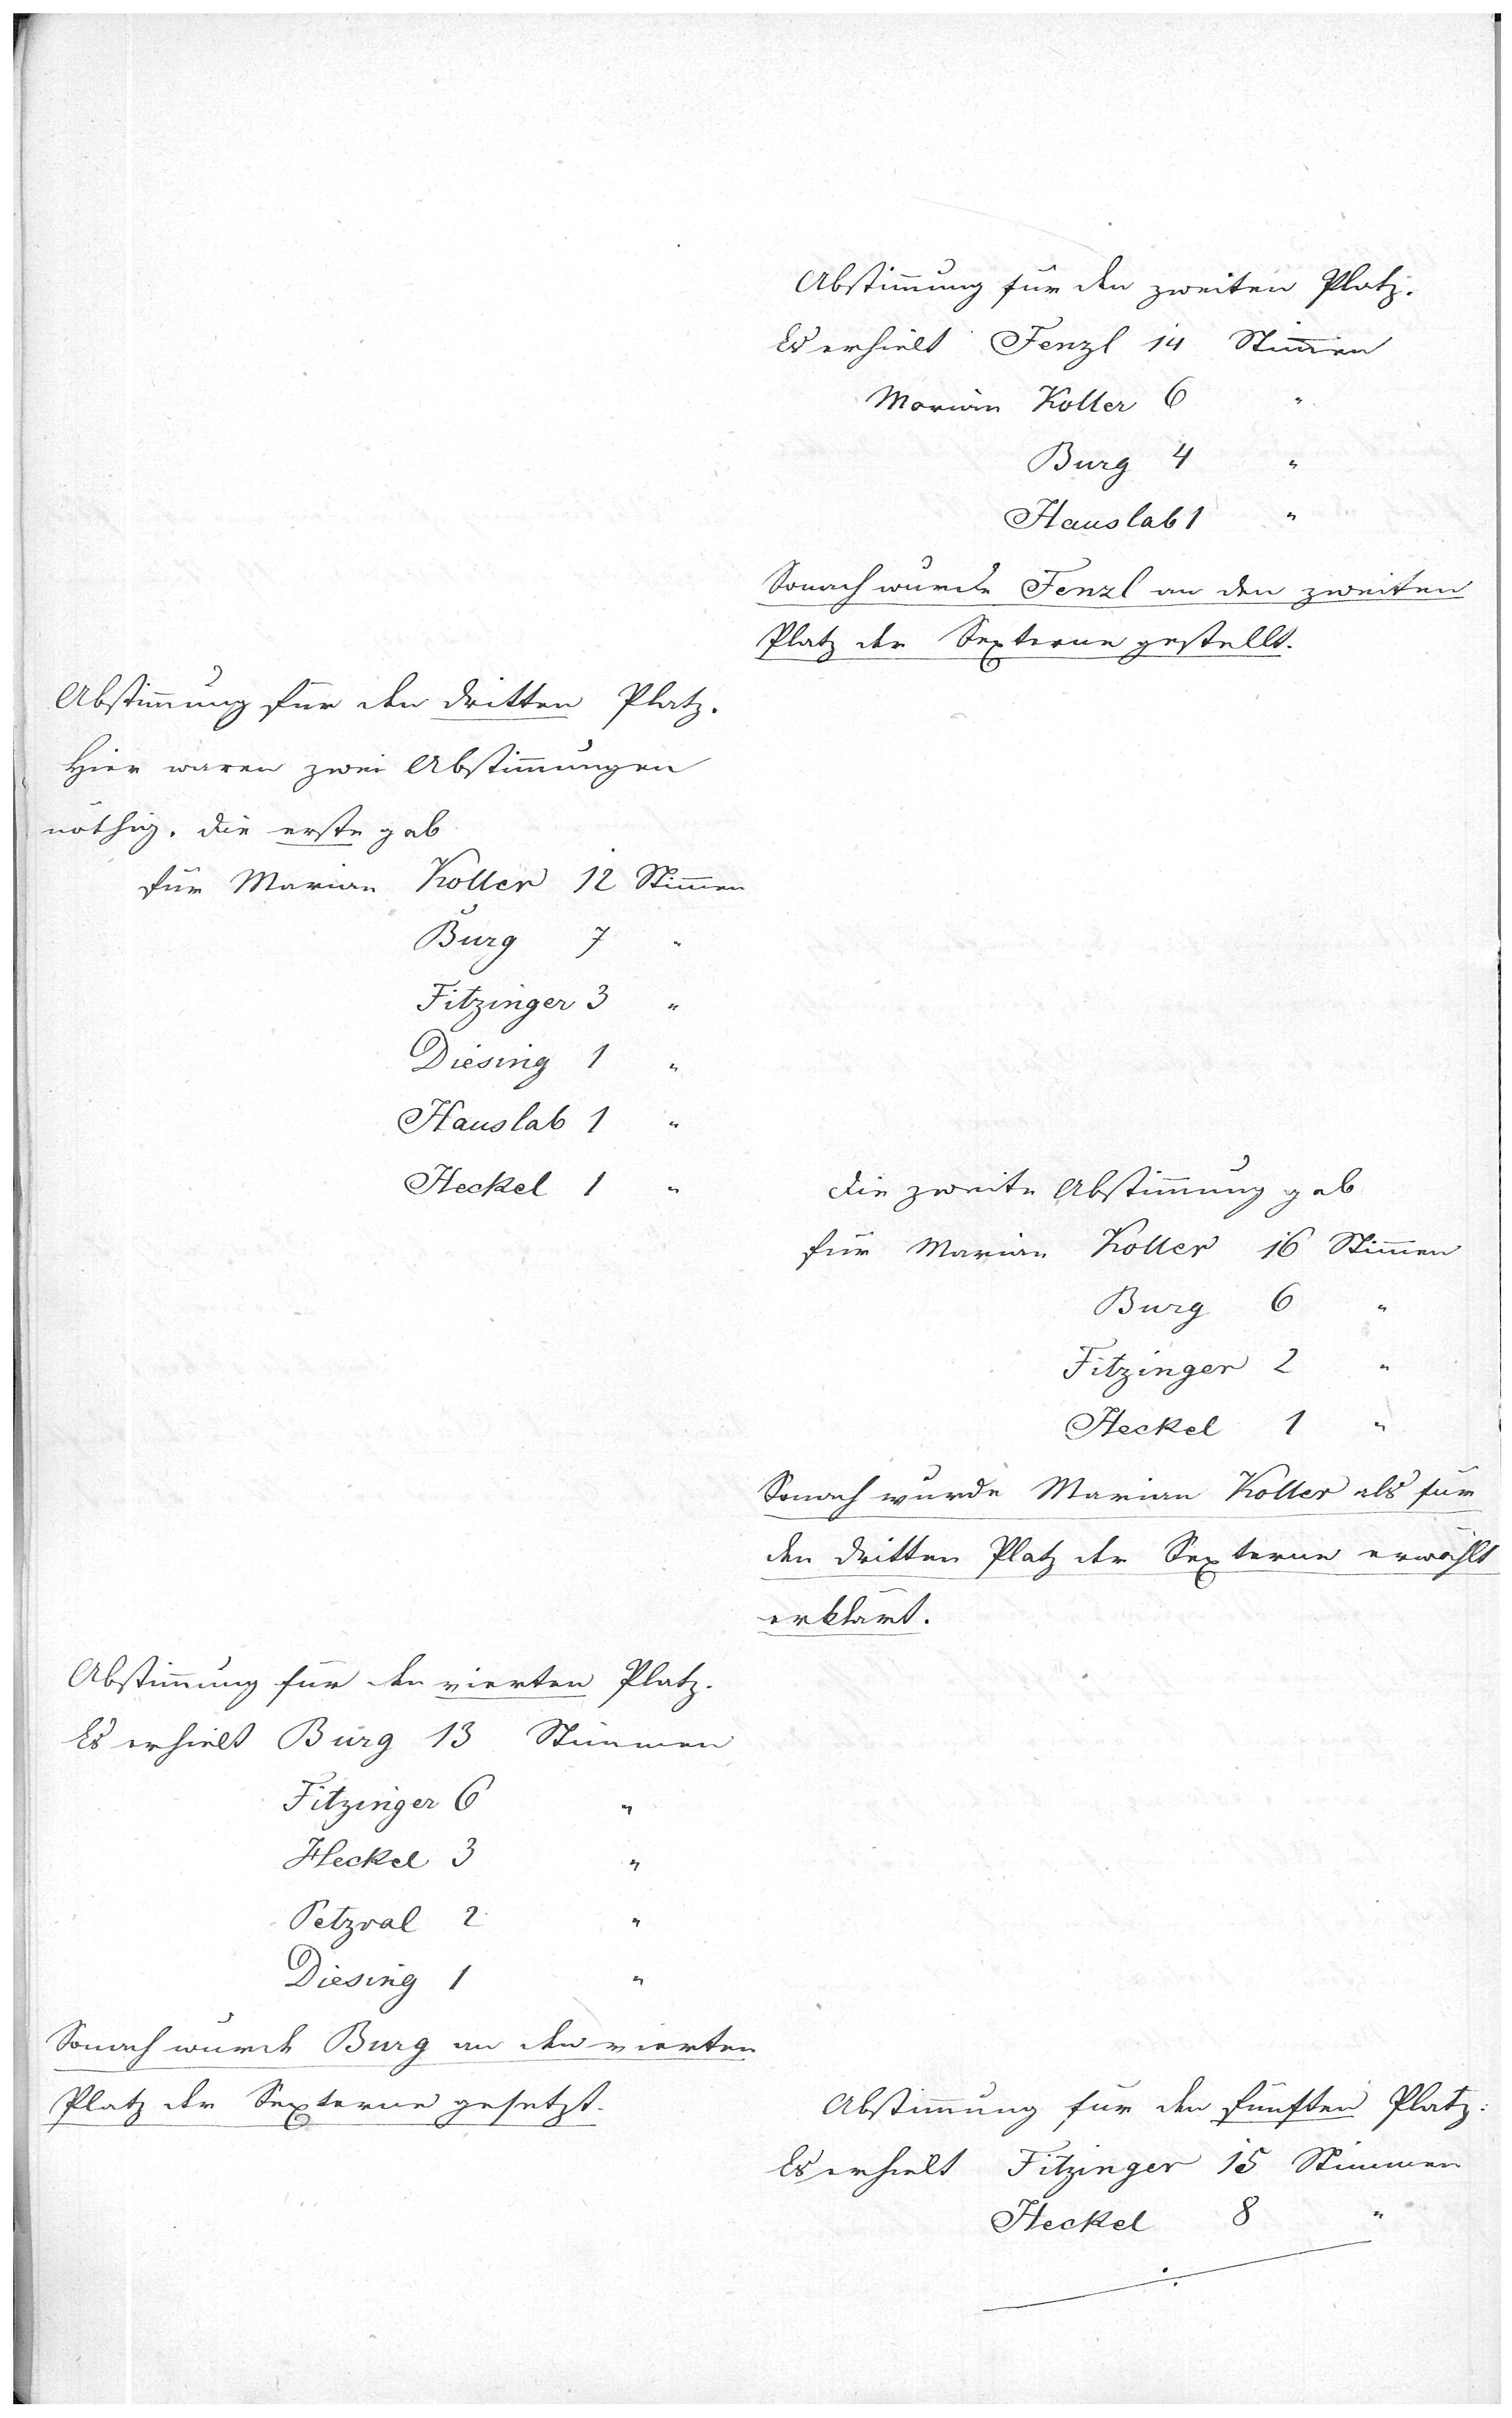Abstimmung für den zweiten Platz.
Es erhielt Fenzl 14 Stimmen
Marian Koller 6 "
Burg 4 "
Hauslab 1 "
Sonach wurde Fenzl an den zweiten
Platz der Sexterne gestellt.
Abstimmung für den dritten Platz.
Hier waren zwei Abstimmungen
nöthig. Die erste gab
für Marian Koller 12 Stimmen
Burg 7 "
Fitzinger 3 "
Diesing 1 "
Hauslab 1 "
Heckel 1 "
Die zweite Abtstimmung gab
für Maria Koller 16 Stimmen
Burg 6 "
Fitzinger 2 "
Heckel 1 "
Sonach wurde Marian Koller als für
den dritten Platz der Sexterne erwählt
erklärt.
Abstimmung für den vierten Platz.
Es erhielt Burg 13 Stimmen
Fitzinger 6 "
Heckel 3 "
Petzval 2 "
Diesing 1 "
Sonach wurde Burg an den vierten
Platz der Sexterne gesetzt.
Abstimmung für den fünften Platz:
Es erhielt Fitzinger 15 Stimmen
Heckel 8 "